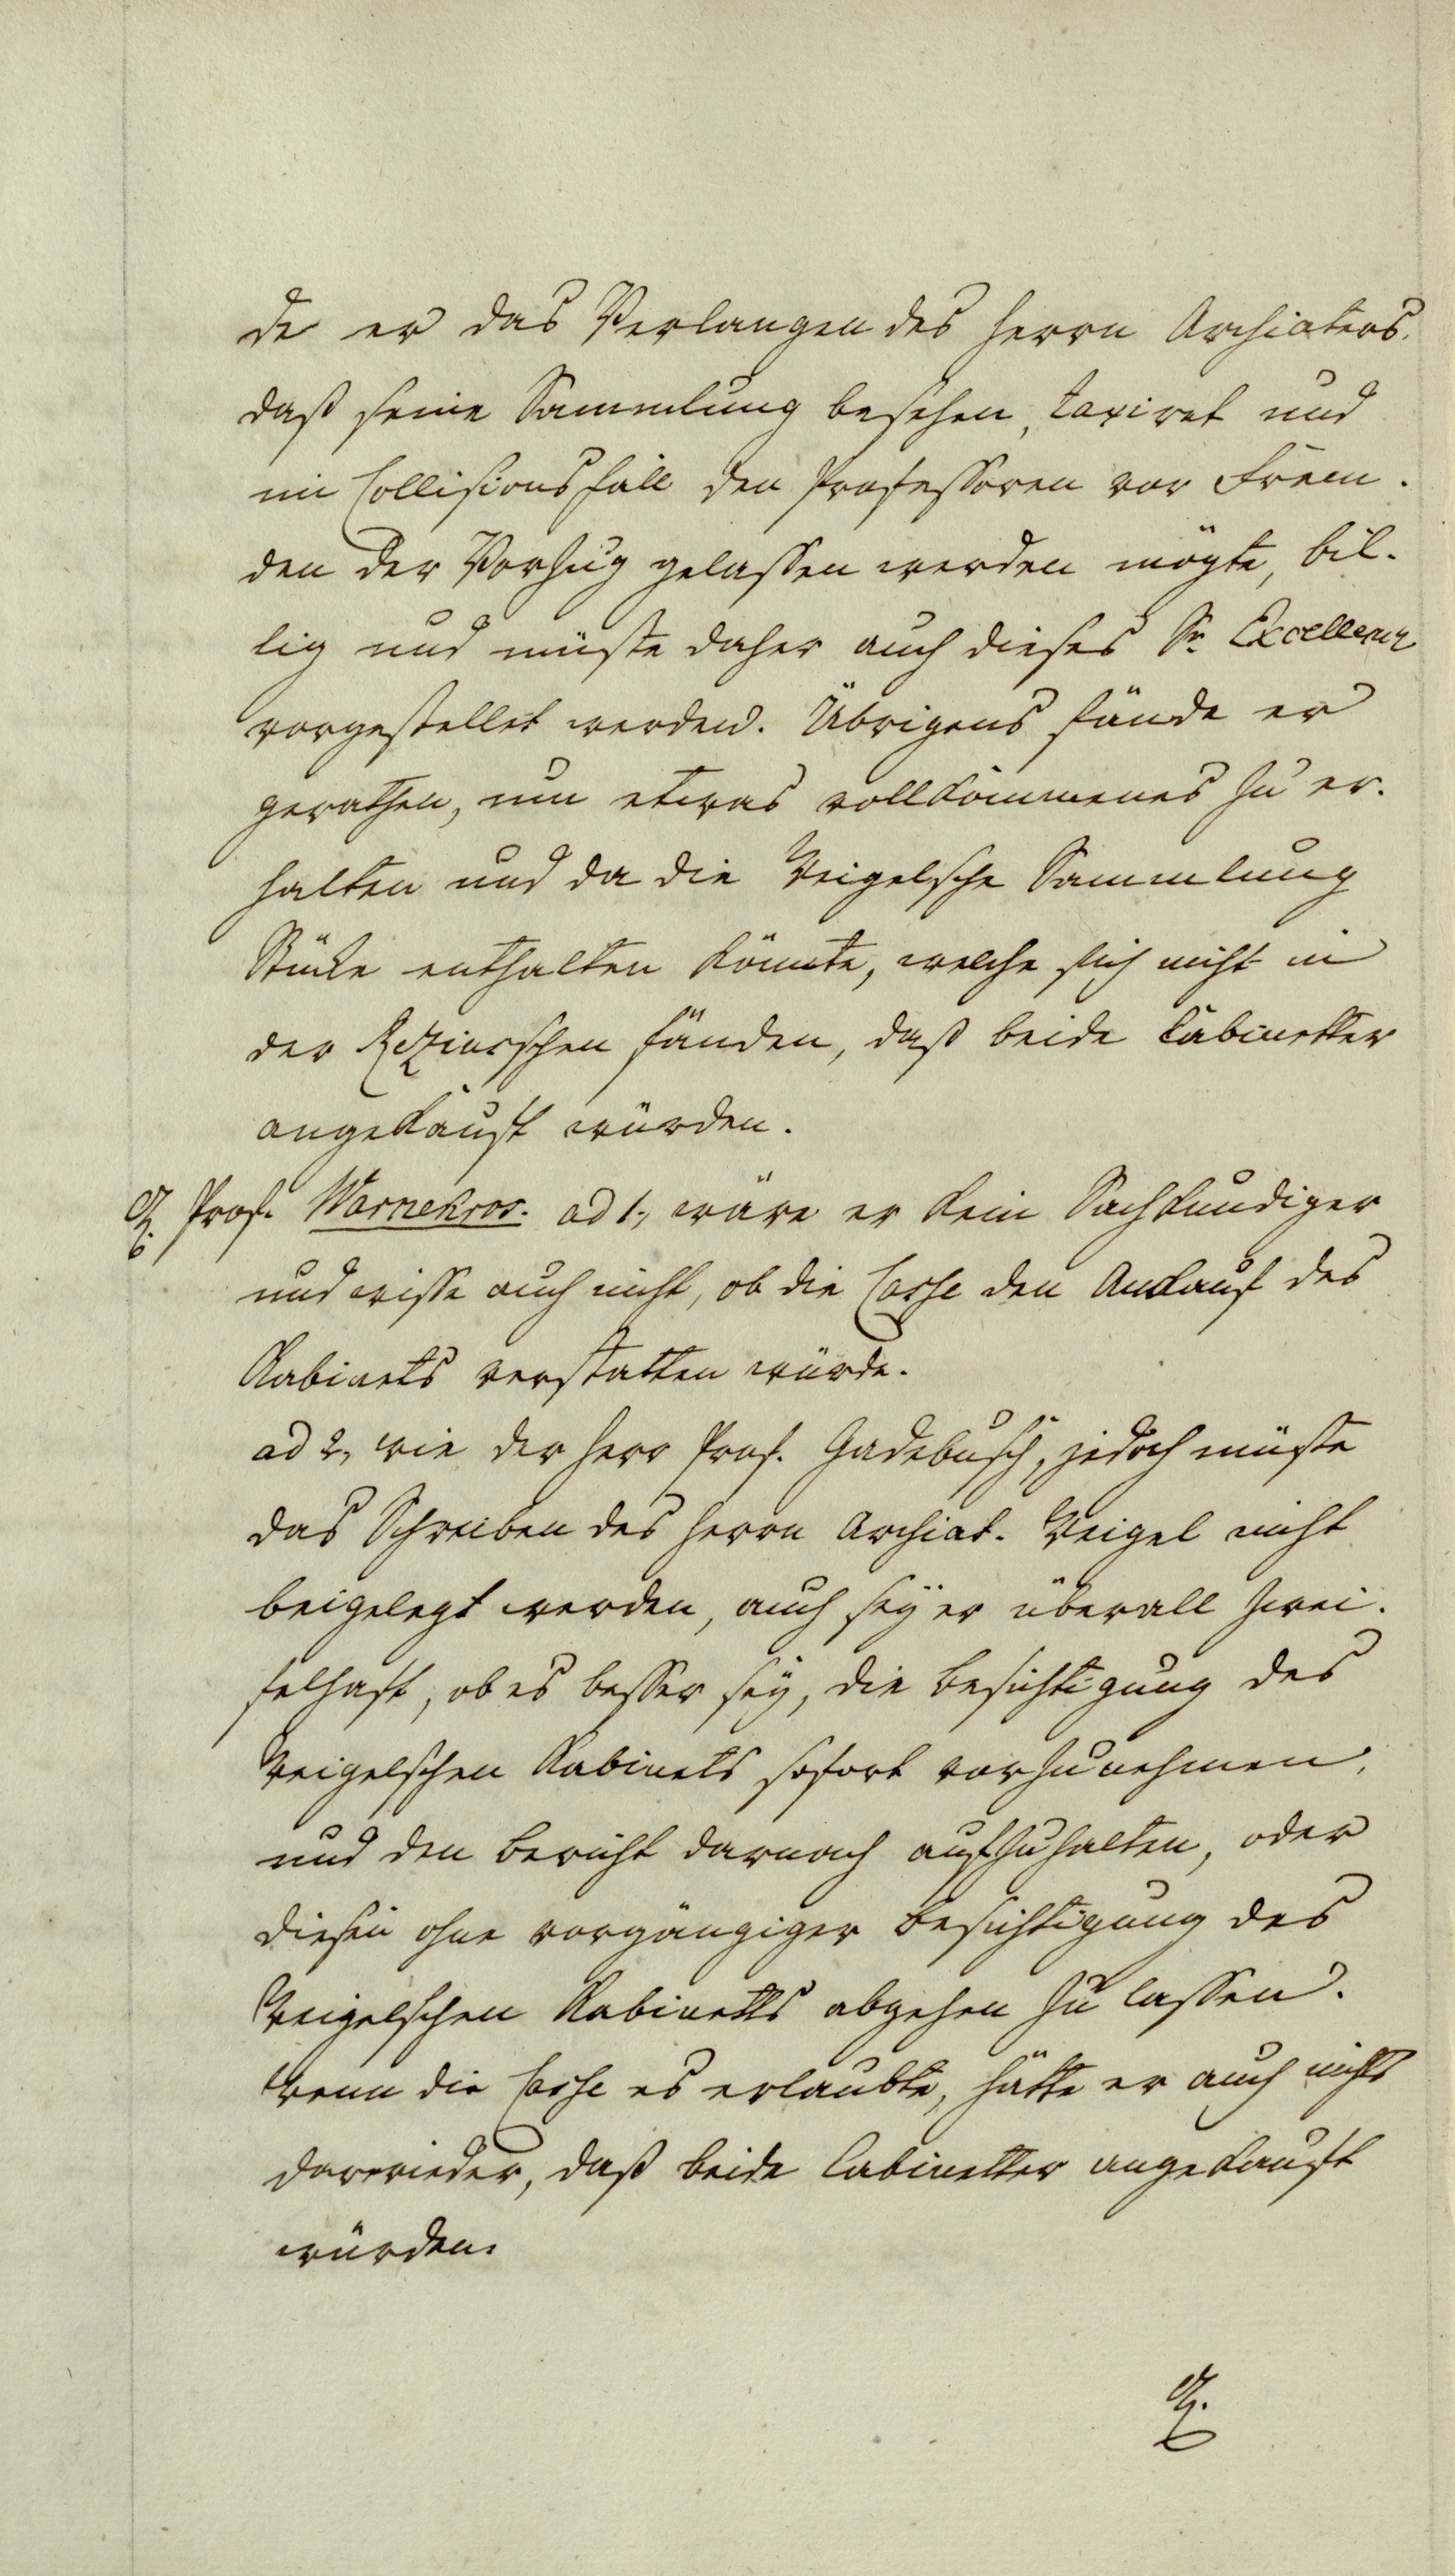de er das Verlangen des Herrn Archiaters,
daß seine Sammlung besehen, taxiret und
im Collisionsfall den Professoren vor Frem¬
den der Vorzug gelassen werden mögte, bil¬
lig und müßte daher auch dieses Sr Excellence
vorgestellet werden. Übrigens fände er
gerathen, um etwas vollkommenes zu er¬
halten und da die Weigelsche Sammlung
Stücke enthalten könnte, welche sich nicht in
der Reziusschen fänden, daß beide Cabinetter
angekauft würden.
dh. Prof. Warnekros. ad 1., wäre er kein Sachkundiger
und wisse auch nicht, ob die Casse den Ankauf des
Kabinets verstatten würde.
ad 2., wie der Herr Prof. Gadebusch, jedoch müßte
das Schreiben des Herrn Archiat. Weigel nicht
beigelegt werden, auch seÿ er überall zwei¬
felhaft, ob es besser seÿ, die Besichtigung des
Weigelschen Kabinets sofort vorzunehmen
und den Bericht darnach aufzuhalten, oder
diesen ohne vorgängiger Besichtigung des
Weigelschen Kabinets abgehen zu lassen.
Wenn die Casse es erlaubte, hätte er auch nichts
darwieder, daß beide Cabinetter angekauft
würden.
dh.